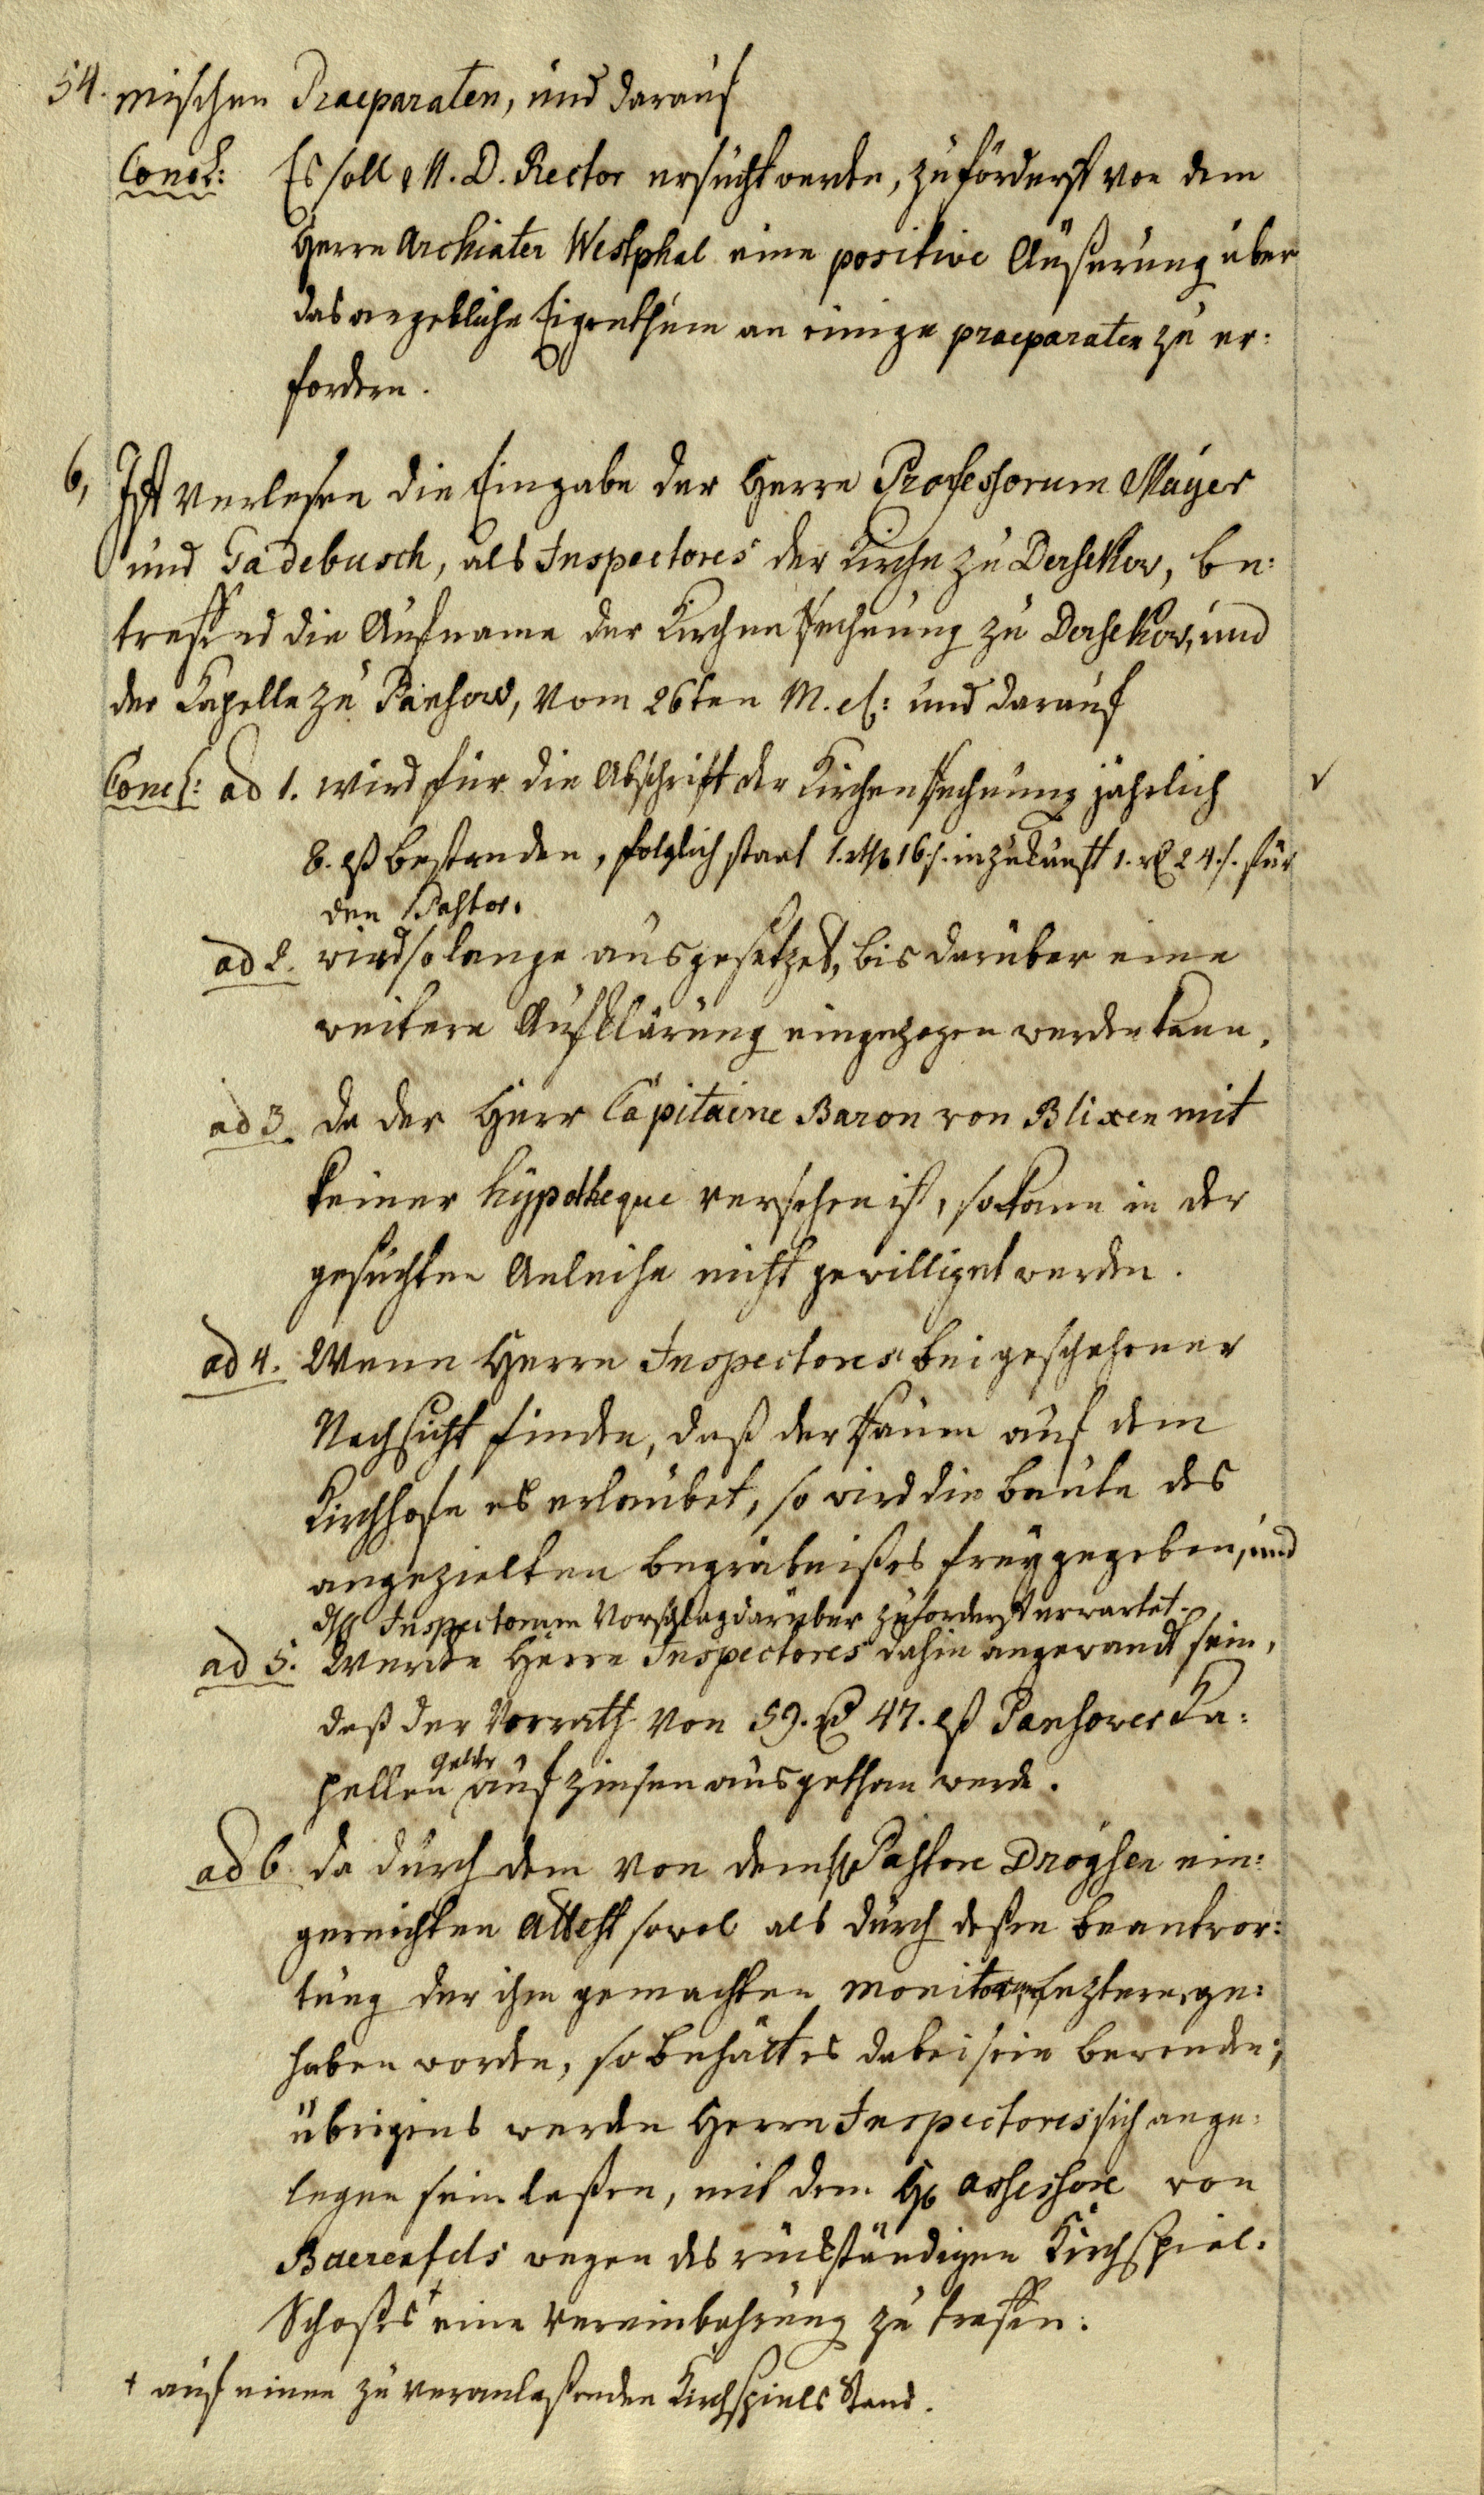mischen Praeparaten, und darauf
Concl. Es soll M. D. Rector ersucht werden, zuförderst von dem
Herrn Archiater Westphal eine positive Äußerung über
das angebliche Eigenthum an einige praeparaten zu er¬
fordern.
6, Ist verlesen die Eingabe der Herrn Professorum Maÿer
und Gadebusch, als Inspectores der Kirche zu Dersekow, be¬
treffend die Aufnahme der Kirchen Rechnung zu Dersekow, und
der Kapelle zu Pansow, vom 26 ten M. et und darauf
Concl. ad 1. wird für die Abschrift der KirchenRechnung jährlich
8. s. bestanden, folglich staat 1. rth. 16. s. in Zukunft 1. rt 24. s. für
den Pastor.
ad 2. wird so lange ausgesetzet, bis darüber eine
weitere Aufklärung eingezogen werden kann.
ad 3. Da der Herr Capitaine baron von Blixen mit
keine hÿpotheque versehen ist, so kann in der
gesuchten Anleihe nicht gewilliget werden.
ad 4. Wenn Herrn Inspectores bei geschehener
Nachsicht finden, daß der Raum auf dem
Kirchhofe es erlaubet, so wird die Baute des
angezielten Begräbnißes freÿgegeben, und
dh Inspectorum Vorschlag darüber zuforderst erwartet.
ad 5. Werden Herrn Inspectores dahin angewandt sein,
daß der Vorrath von 59. rt 47. s Pansower Ka¬
Gelder
pellen auf Zinsen ausgethan werde.
ad 6. da durch dem von dem H Pastore Droÿsen ein¬
gereichten Attest sowol als durch deßen Beantwor¬
tung der ihm gemachten Monitorum leztere ge¬
hoben worden, so behält es dabei sein Bewenden;
übrigens werden Herrn Inspectores sich ange¬
legen sein laßen, mit dem H Assessore von
Baerenfels wegen des rückständigen Kirchspiel¬
Schoßes + eine Vereinbahrung zu treffen.
+ auf einen zu veranlaßenden Kirchspiels Stand.